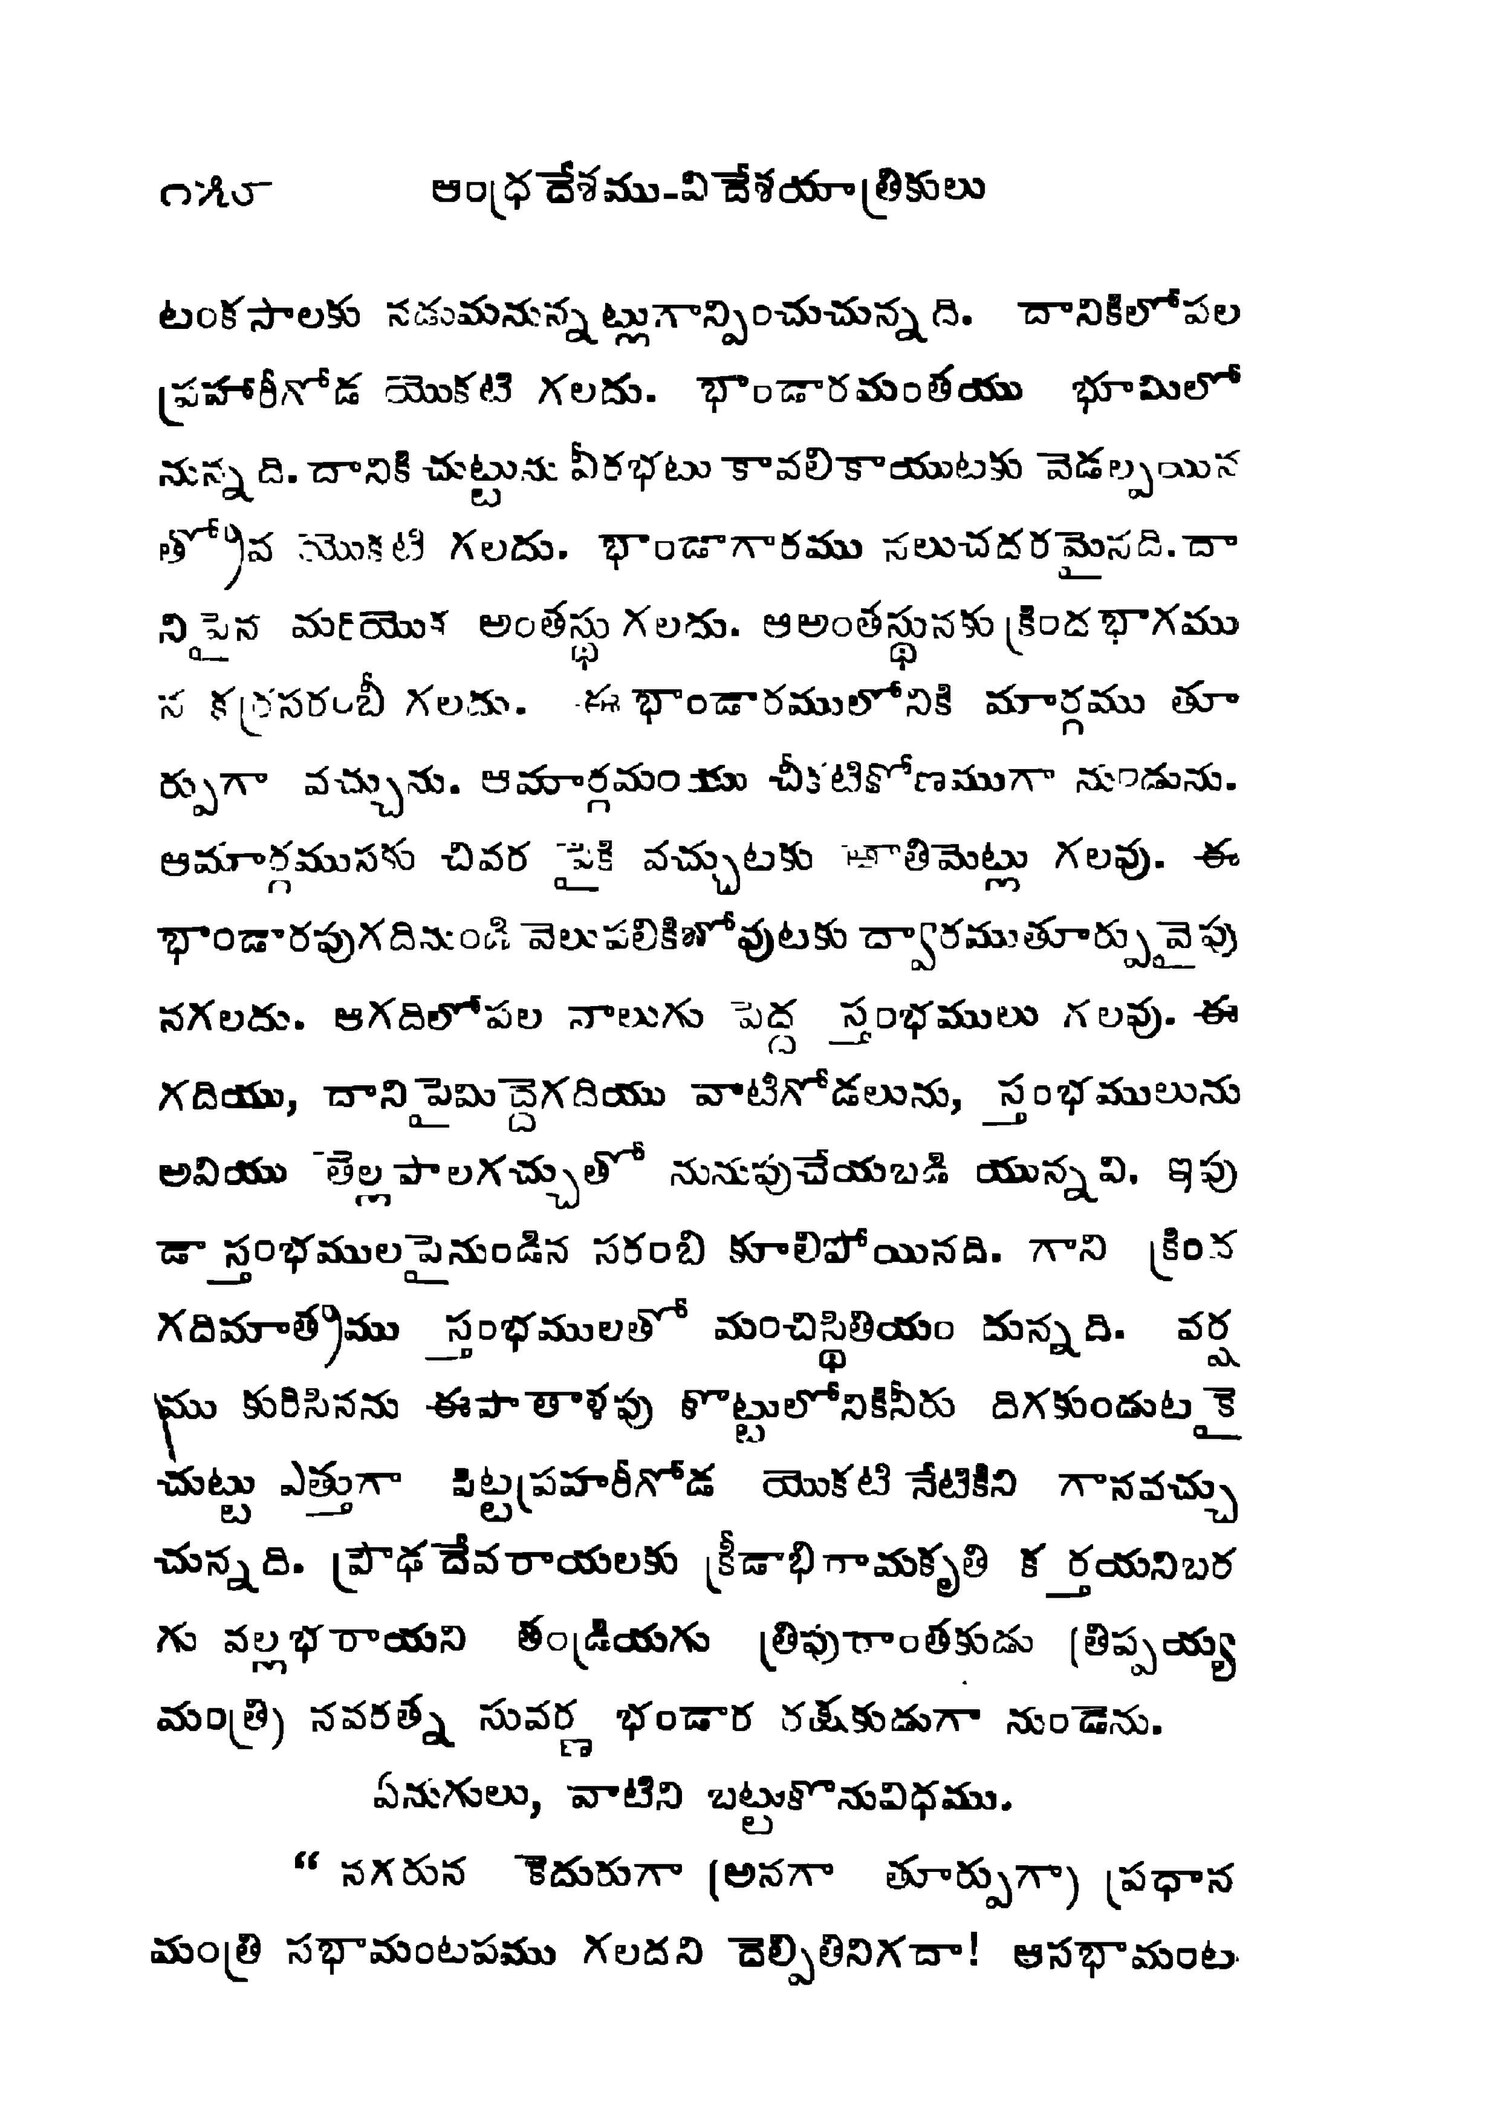టంకసాలకు నడుమనున్నట్లు గాన్పించుచున్నది. దానికిలోపల ప్రహరీగోడ యొకటి గలదు. భాండారమంతయు భూమిలో నున్నది. దానికి చుట్టును వీరభటు కావలికాయుటకు వెడల్పయిన త్రోవ యొకటి గలదు. భాండాగారము నలుచదరమైనది. దానిపైన మరియొక అంతస్థు గలదు. ఆఅంతస్థునకు క్రిందభాగమున కర్రసరంభీ గలదు. ఈభాండారము లోనికి మార్గము తూర్పుగా వచ్చును. ఆమార్గమంయు చీకటికోణముగా నుండును. ఆమార్గమునకు చివర పైకి వచ్చుటకు ఱాతిమెట్లు గలవు. ఈ భాండారపు గదినుండి వెలుపలికి బోవుటకు ద్వారము తూర్పువైపున గలదు. ఆగదిలోపల నాలుగు పెద్ద స్తంభములు గలవు. ఈగదియు, దానిపైమిద్దెగదియు వాటిగోడలును, స్తంభములును అవియు తెల్లపాలగచ్చుతో నునుపుచేయబడి యున్నవి. ఇపుడాస్తంభములపై నుండిన సరంబి కూలిపోయినది. గాని క్రిందగదిమాత్రము స్తంభములతో మంచిస్థితియం దున్నది. వర్షము కురిసినను ఈపాతాళపు కొట్టులోనికినీరు దిగకుండుటకై చుట్టు ఎత్తుగా పిట్టప్రహరీగోడ యొకటి నేటికిని గానవచ్చుచున్నది. ప్రౌడదేవరాయలకు క్రీడాభిగామకృతి కర్తయనిబరగు వల్లభరాయని తండ్రియగు త్రిపురాంతకుడు (తిప్పయ్య మంత్రి) నవరత్న సువర్ణ భండార రక్షకుడుగా నుండెను.

"నగరున కెదురుగా (అనగా తూర్పుగా) ప్రధాన మంత్రి సభామంటపము గలదని దెల్పితినిగదా! ఆసభామంట